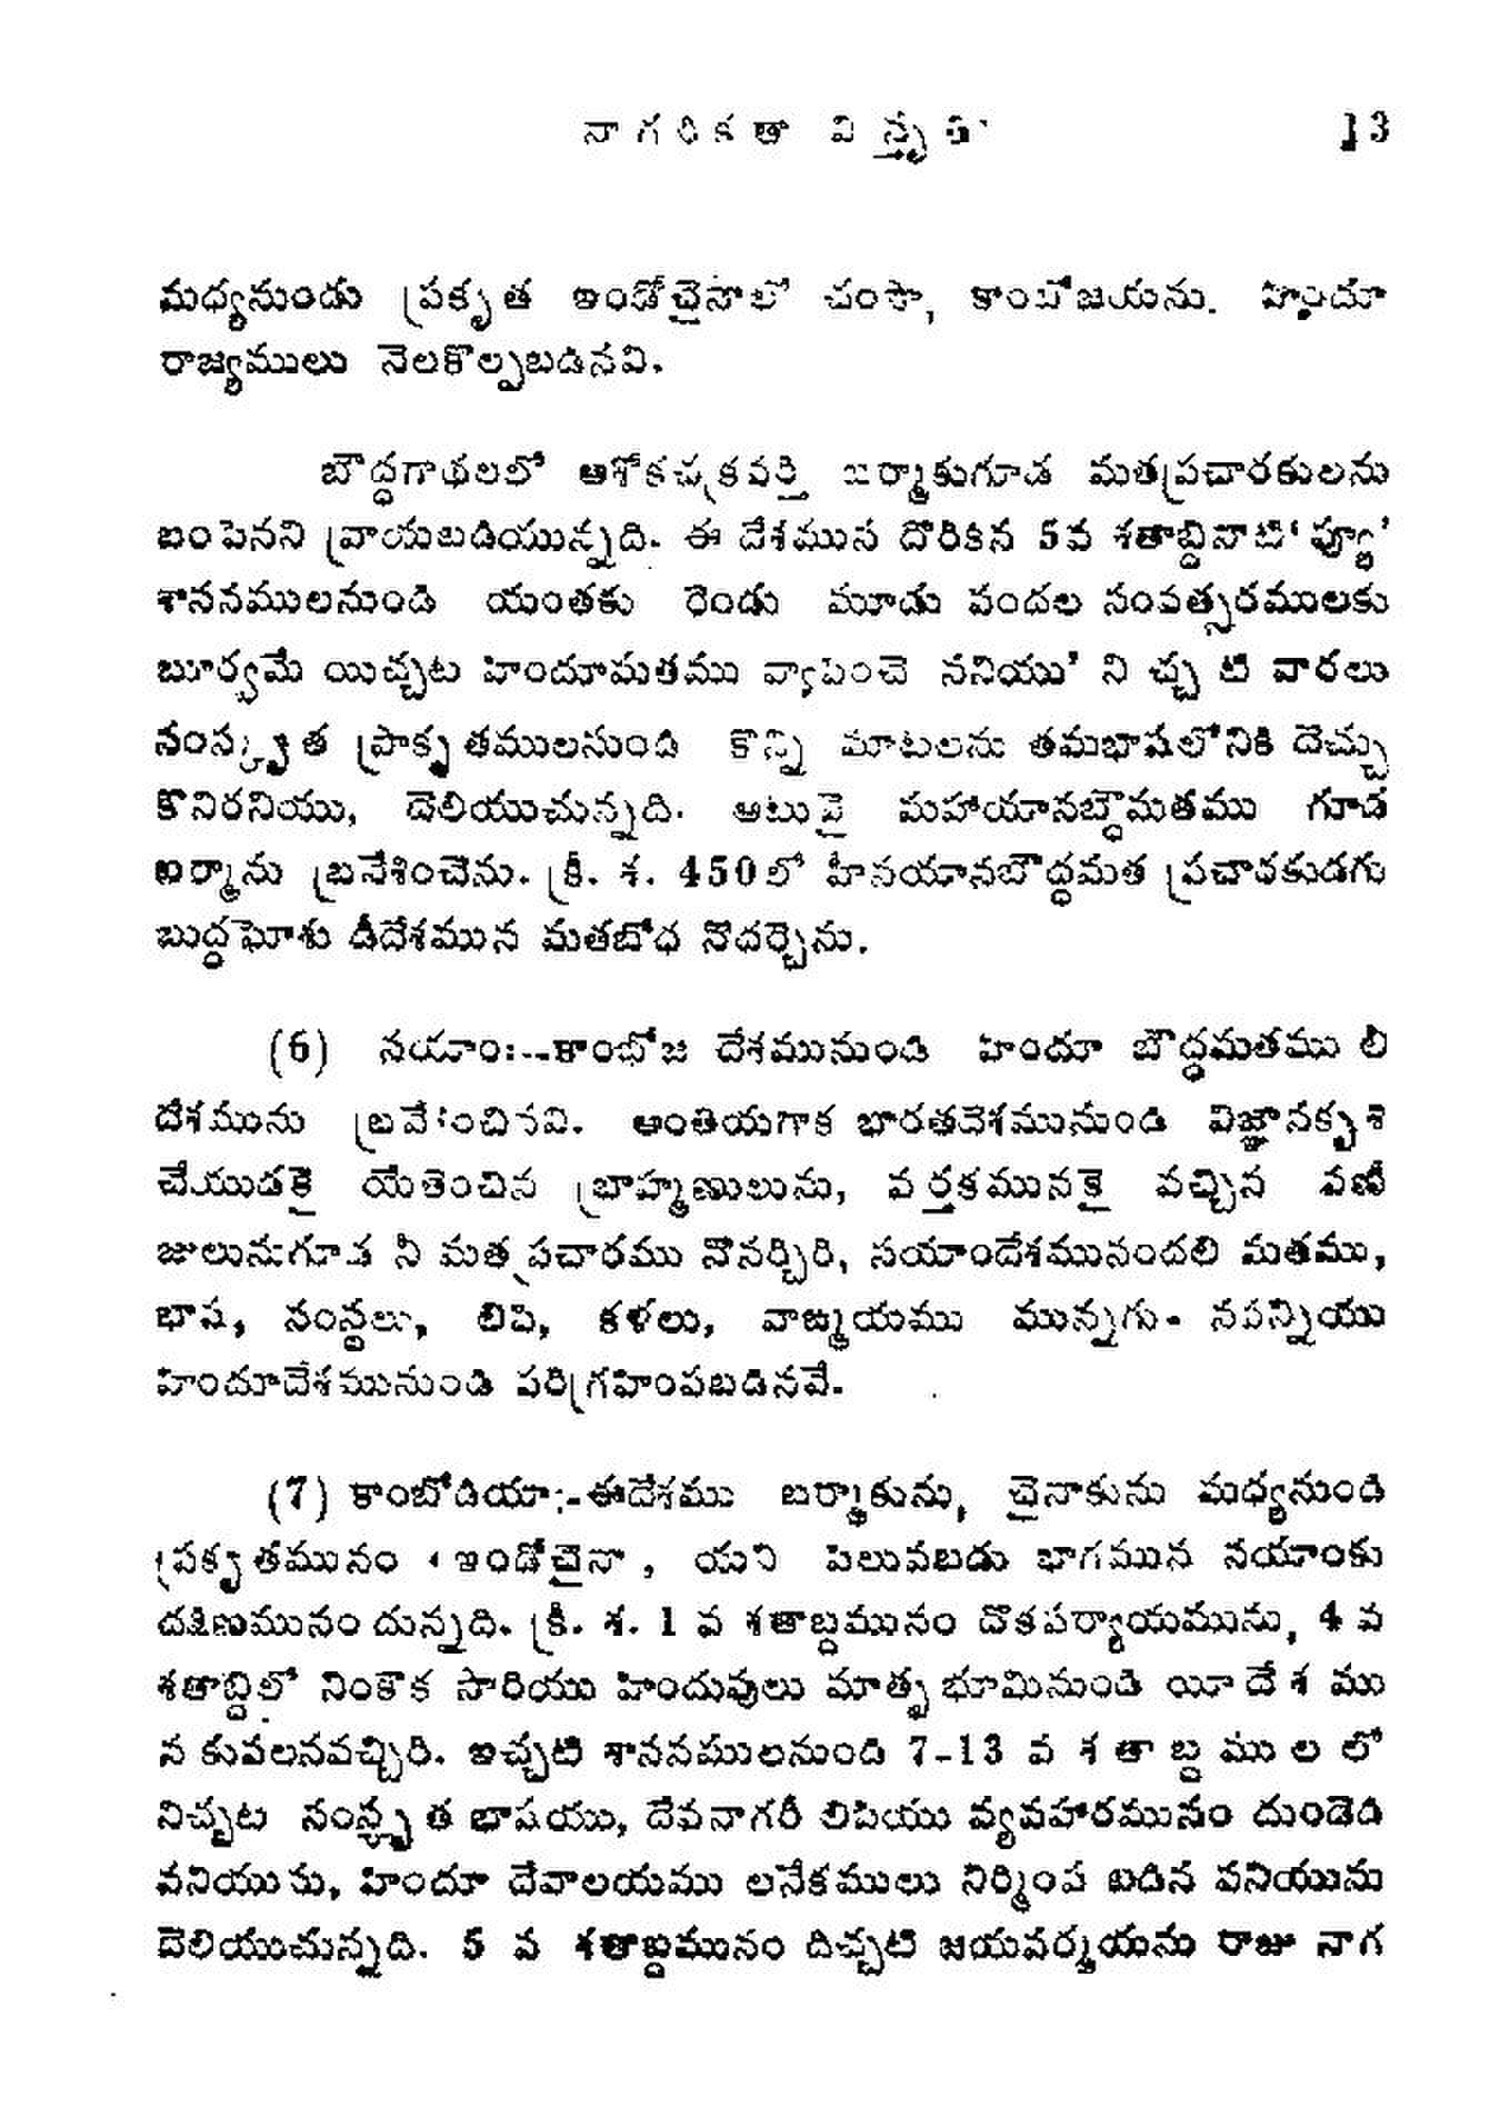మధ్యనుండు ప్రకృత ఇండోచైనాలో చంపా, కాంభోజయను, హిందూరాజ్యములు నెలకొల్పబడినవి.

బౌద్దగాథలలో అశోకచక్రవర్తి బర్మాకుగూడ మతప్రచారకులను బంపెనని వ్రాయబడియున్నది. ఈ దేశమున దొరకిన 5 వ శతాబ్దినాటి 'పూ--' శాసనములనుండి యంతకు రెండు మూడు వందల సంవత్సరములకు బూర్వమే యిచ్చట హిందూమతము వ్యాపించె ననియు' నిచ్చటి వారలు సంస్కృత ప్రాకృతములనుండి కొన్ని మాటలను తమభాషలోనికి దెచ్చుకొనిరనియు, దెలియుచున్నది. అటుపై మహాయానబౌద్దమతము గూడ బర్మాను బ్రవేశించెను. క్రీ. శ. 450 లో హీనయానబౌద్దమత ప్రచారకుడగు బుద్దఘోశు డీదేశమున మతబోధ నొనర్చెను.

(6) నయాం :- కాంభోజ దేశమునుండి హిందూ బౌద్దమతము లీదేశమును బ్రవేశించినవి. అంతియగాక భారతదేశమునుండి విజ్ఞానకృశి చేయుడకై యేతెంచిన బ్రాహ్మణులును, వర్తకమునకై వచ్చిన వణిజులునుగూడ నీ మతప్రచారము నొనర్చిరి. నయాందేశమునందలి మతము, భాష, సంస్థలు, లిపి, కళలు, వాఙ్మయము మున్నగు - నవన్నియు హిందూదేశమునుండి పరిగ్రహింపబడినవే.

(7) కాంబోడియా :- ఈదేశము బర్మాకును, చైనాకును మధ్యనుండి ప్రకృతమునం ఇండోచైనా, యని పిలువబడు భాగమున నయాంకు దక్షిణమునం దున్నది. క్రీ. శ. 1 వ శతాబ్దమునం దొకపర్యాయమును, 4 వ శతాబ్దిలో నింకొక సారియు హిందువులు మాతృ భూమినుండి యీదేశమునకు వలసవచ్చిరి. ఇచ్చటి శాసనములనుండి 7-13 వ శతాబ్దములలో నిచ్చట సంస్కృత భాషయు, దేవనాగరీ లిపియు వ్యవహారమునం దుండెడి వనియును, హిందూ దేవాలయము లనేకములు నిర్మింప బడిన వనియును దెలియుచున్నది. 5 వ శతాబ్దమునం దిచ్చటి జయవర్మయను రాజు నాగ